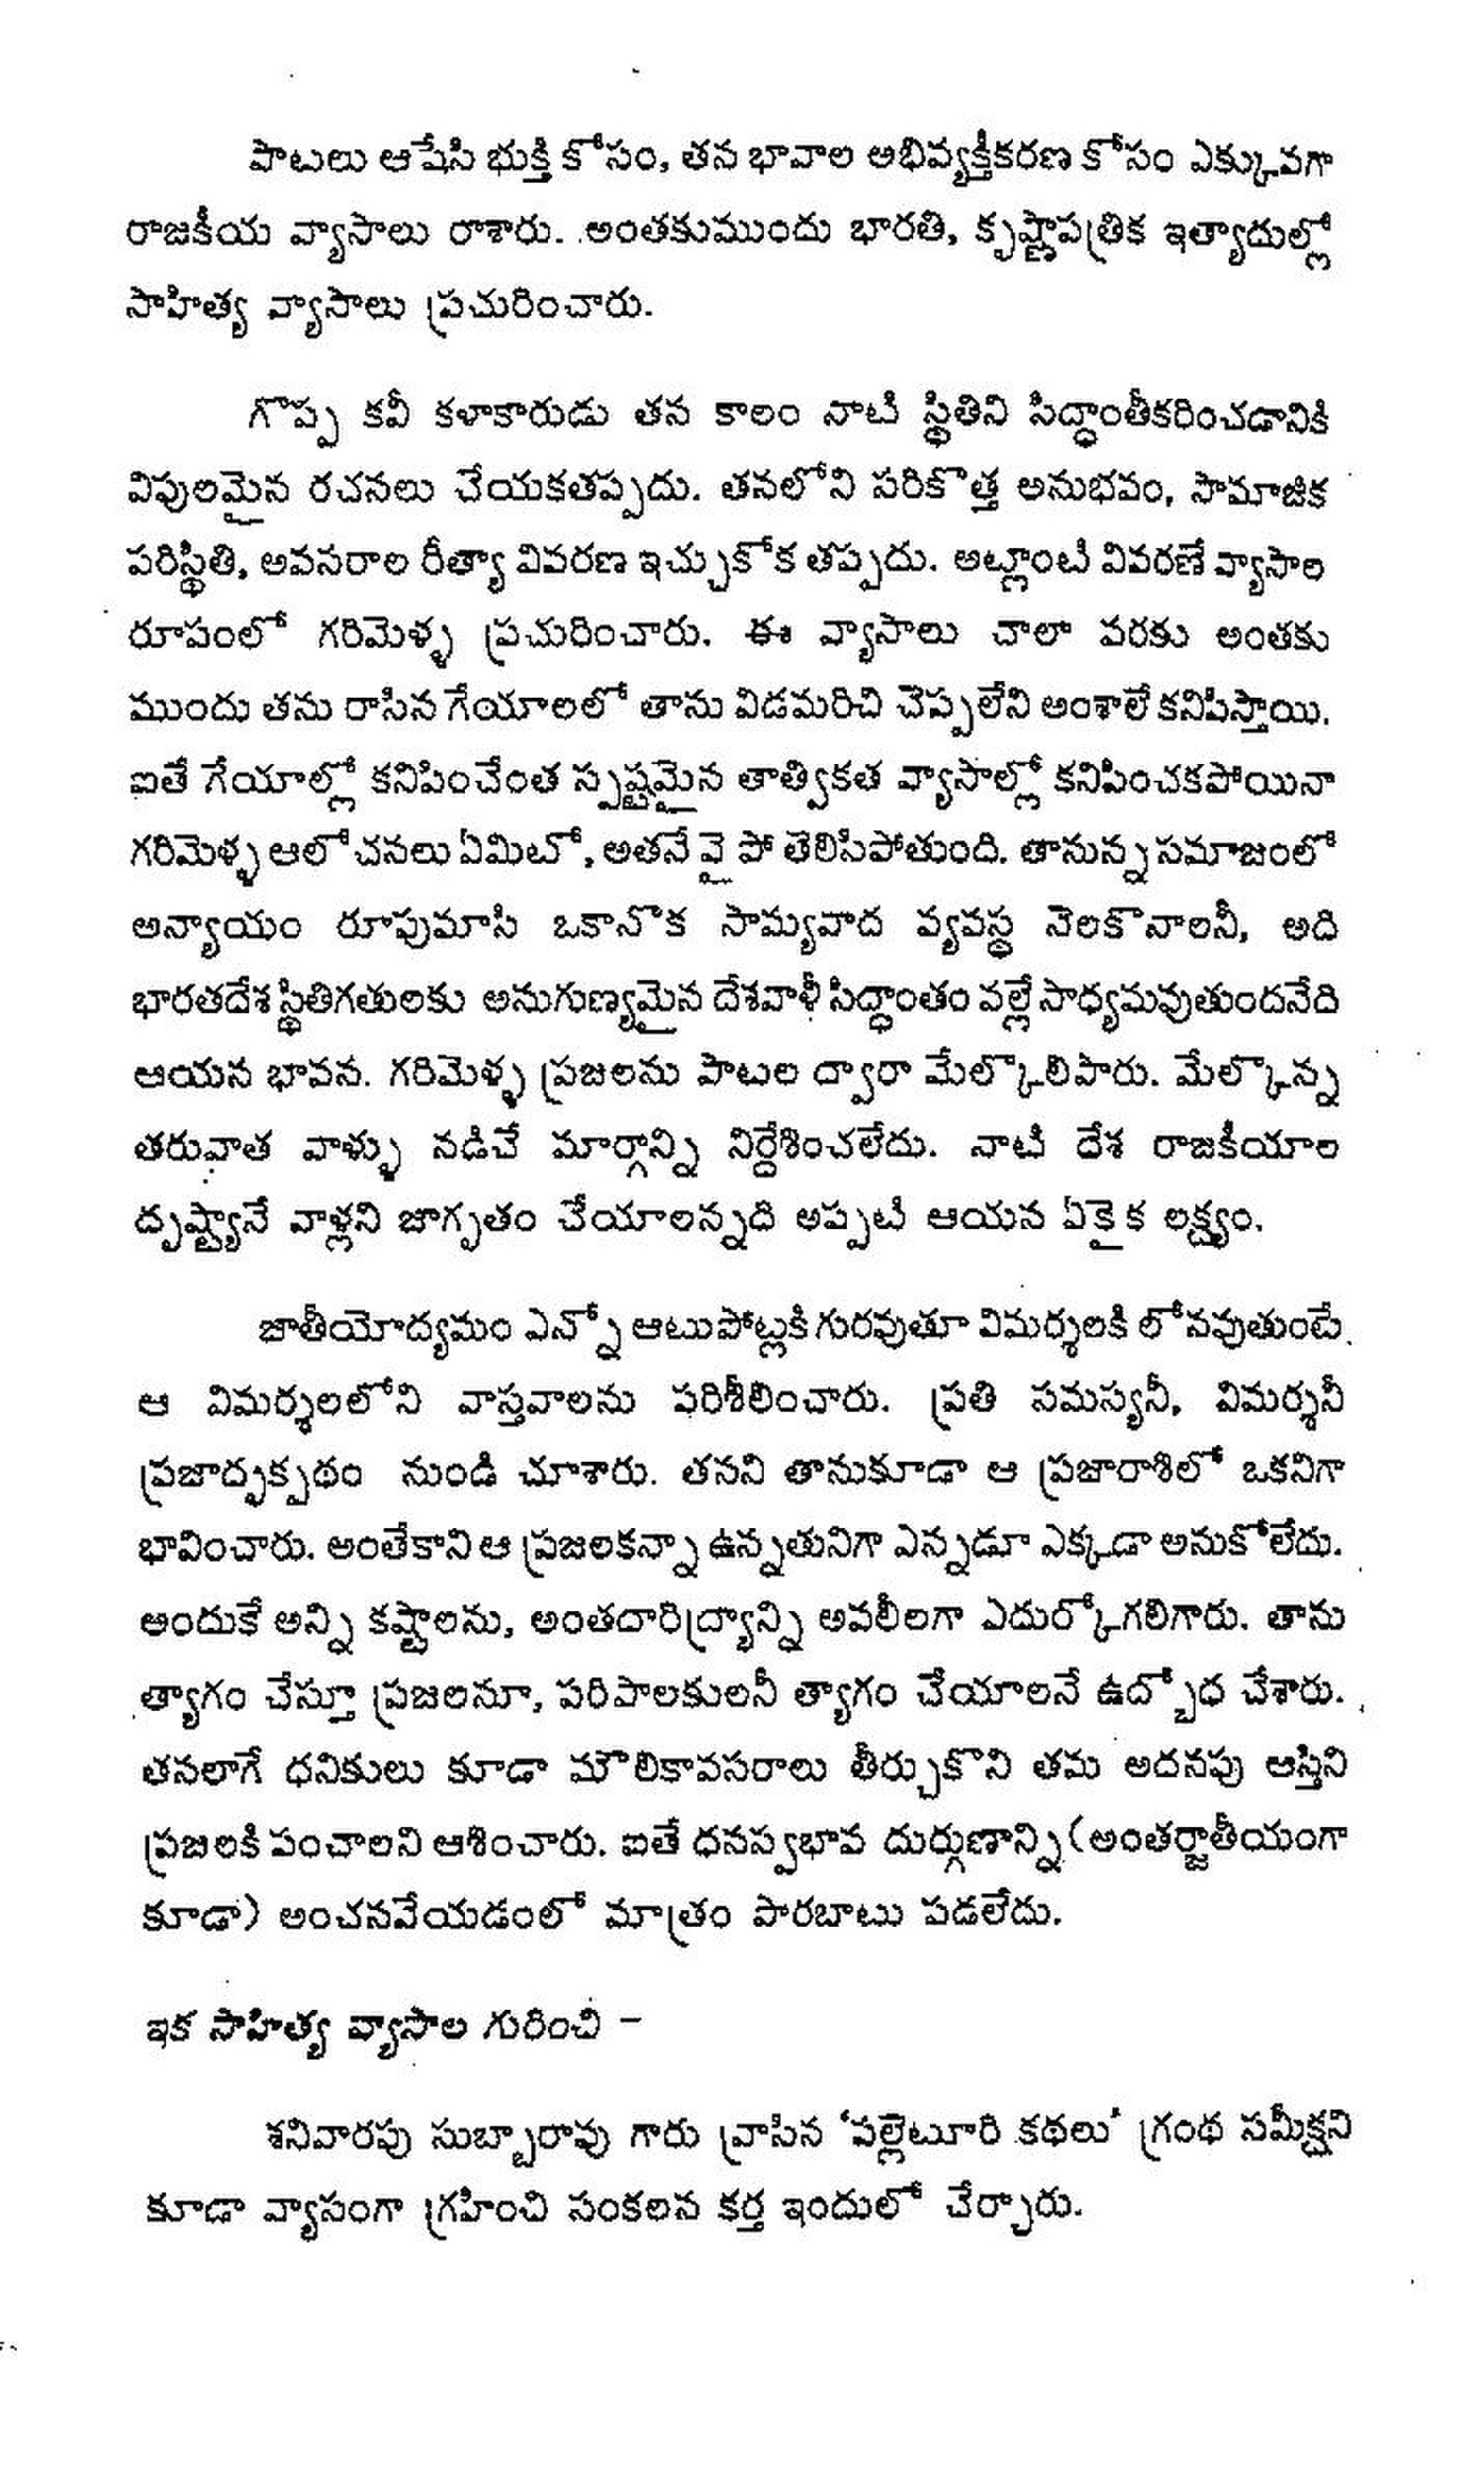పాటలు ఆపేసి భుక్తికోసం, తనభావాల అభివ్యక్తీకరణకోసం ఎక్కువగా రాజకీయ వ్యాసాలు రాశారు. అంతకుముందు భారతి, కృష్ణాపత్రిక ఇత్యాదుల్లో సాహిత్య వ్యాసాలు ప్రచురించారు.

గొప్ప కవీ కళాకారుడు తన కాలం నాటి స్థితిని సిద్ధాంతీకరించడానికి విపులమైన రచనలు చేయకతప్పదు. తనలోని సరికొత్త అనుభవం, సామాజిక పరిస్థితి, అవసరాల రీత్యావివరణ ఇచ్చుకోక తప్పదు. అట్లాంటి వివరణే వ్యాసాల రూపంలో గరిమెళ్ళ ప్రచురించారు. ఈ వ్యాసాలు చాలా వరకు అంతకు ముందు తను రాసిన గేయాలలో తాను విడమరిచి చెప్పలేని అంశాలే కనిపిస్తాయి. ఐతే గేయాల్లో కనిపించేంతస్పష్టమైన తాత్వికత వ్యాసాల్లోకనిపించకపోయినా గరిమెళ్ళ ఆలోచనలు ఏమిటో, అతనే వైపో తెలిసిపోతుంది. తానున్నసమాజంలో అన్యాయం రూపుమాపి ఒకానొక సామ్యవాద వ్యవస్థ నెలకొనాలనీ, అది భారతదేశస్థితిగతులకు అనుగుణమైన దేశవాళీ సిద్ధాంతం వల్లే సాధ్యమవుతుం దనేది ఆయన భావన గరిమెళ్ళ ప్రజలను పాటల ద్వారా మేల్కొలిపారు. మేల్కొన్న తరువాత వాళ్ళు నడిచే మార్గాన్ని నిర్దేశించలేదు. నాటి దేశ రాజకీయాల దృష్ట్యానే వాళ్లని జాగృతం చేయాలన్నది అప్పటి ఆయన ఏకైక లక్ష్యం.

జాతీయోద్యమం ఎన్నోఆటుపోట్లకి గురవుతూ విమర్శలకి లోనవుతుంటే ఆ విమర్శలలోని వాస్తవాలను పరిశీలించారు. ప్రతి సమస్యనీ, విమర్శనీ ప్రజాదృక్పధం నుండి చూశారు తనని తానుకూడా ఆ ప్రజారాశిలో ఒకనిగా భావించారు. అంతేకాని ఆప్రజలకన్నా ఉన్నతునిగా ఎన్నడూ ఎక్కడా అనుకోలేదు. అందుకే అన్ని కష్టాలను, అంతదారిద్య్రాన్ని అవలీలగా ఎదుర్కోగలిగారు. తాను త్యాగం చేస్తూ ప్రజలనూ, పరిపాలకులనీ త్యాగం చేయాలనే ఉద్భోద చేశారు. తనలాగే ధనికులు కూడా మౌలికావసరాలు తీర్చుకొని తమ అదనపు ఆస్తిని ప్రజలకి పంచాలని ఆశించారు. ఐతే ధనస్వభావ దుర్గుణాన్ని (అంతర్జాతీయంగా కూడా) అంచనవేయడంలో మాత్రం పొరబాటు పడలేదు.

ఇక సాహిత్య వ్యాసాల గురించి-

శనివారపు సుబ్బారావు గారు వ్రాసిన 'పల్లెటూరి కధలు ' గ్రంధ సమీక్షని కూడా వ్యాసంగా గ్రహించి సంకలన కర్త ఇందులోచేర్చారు.